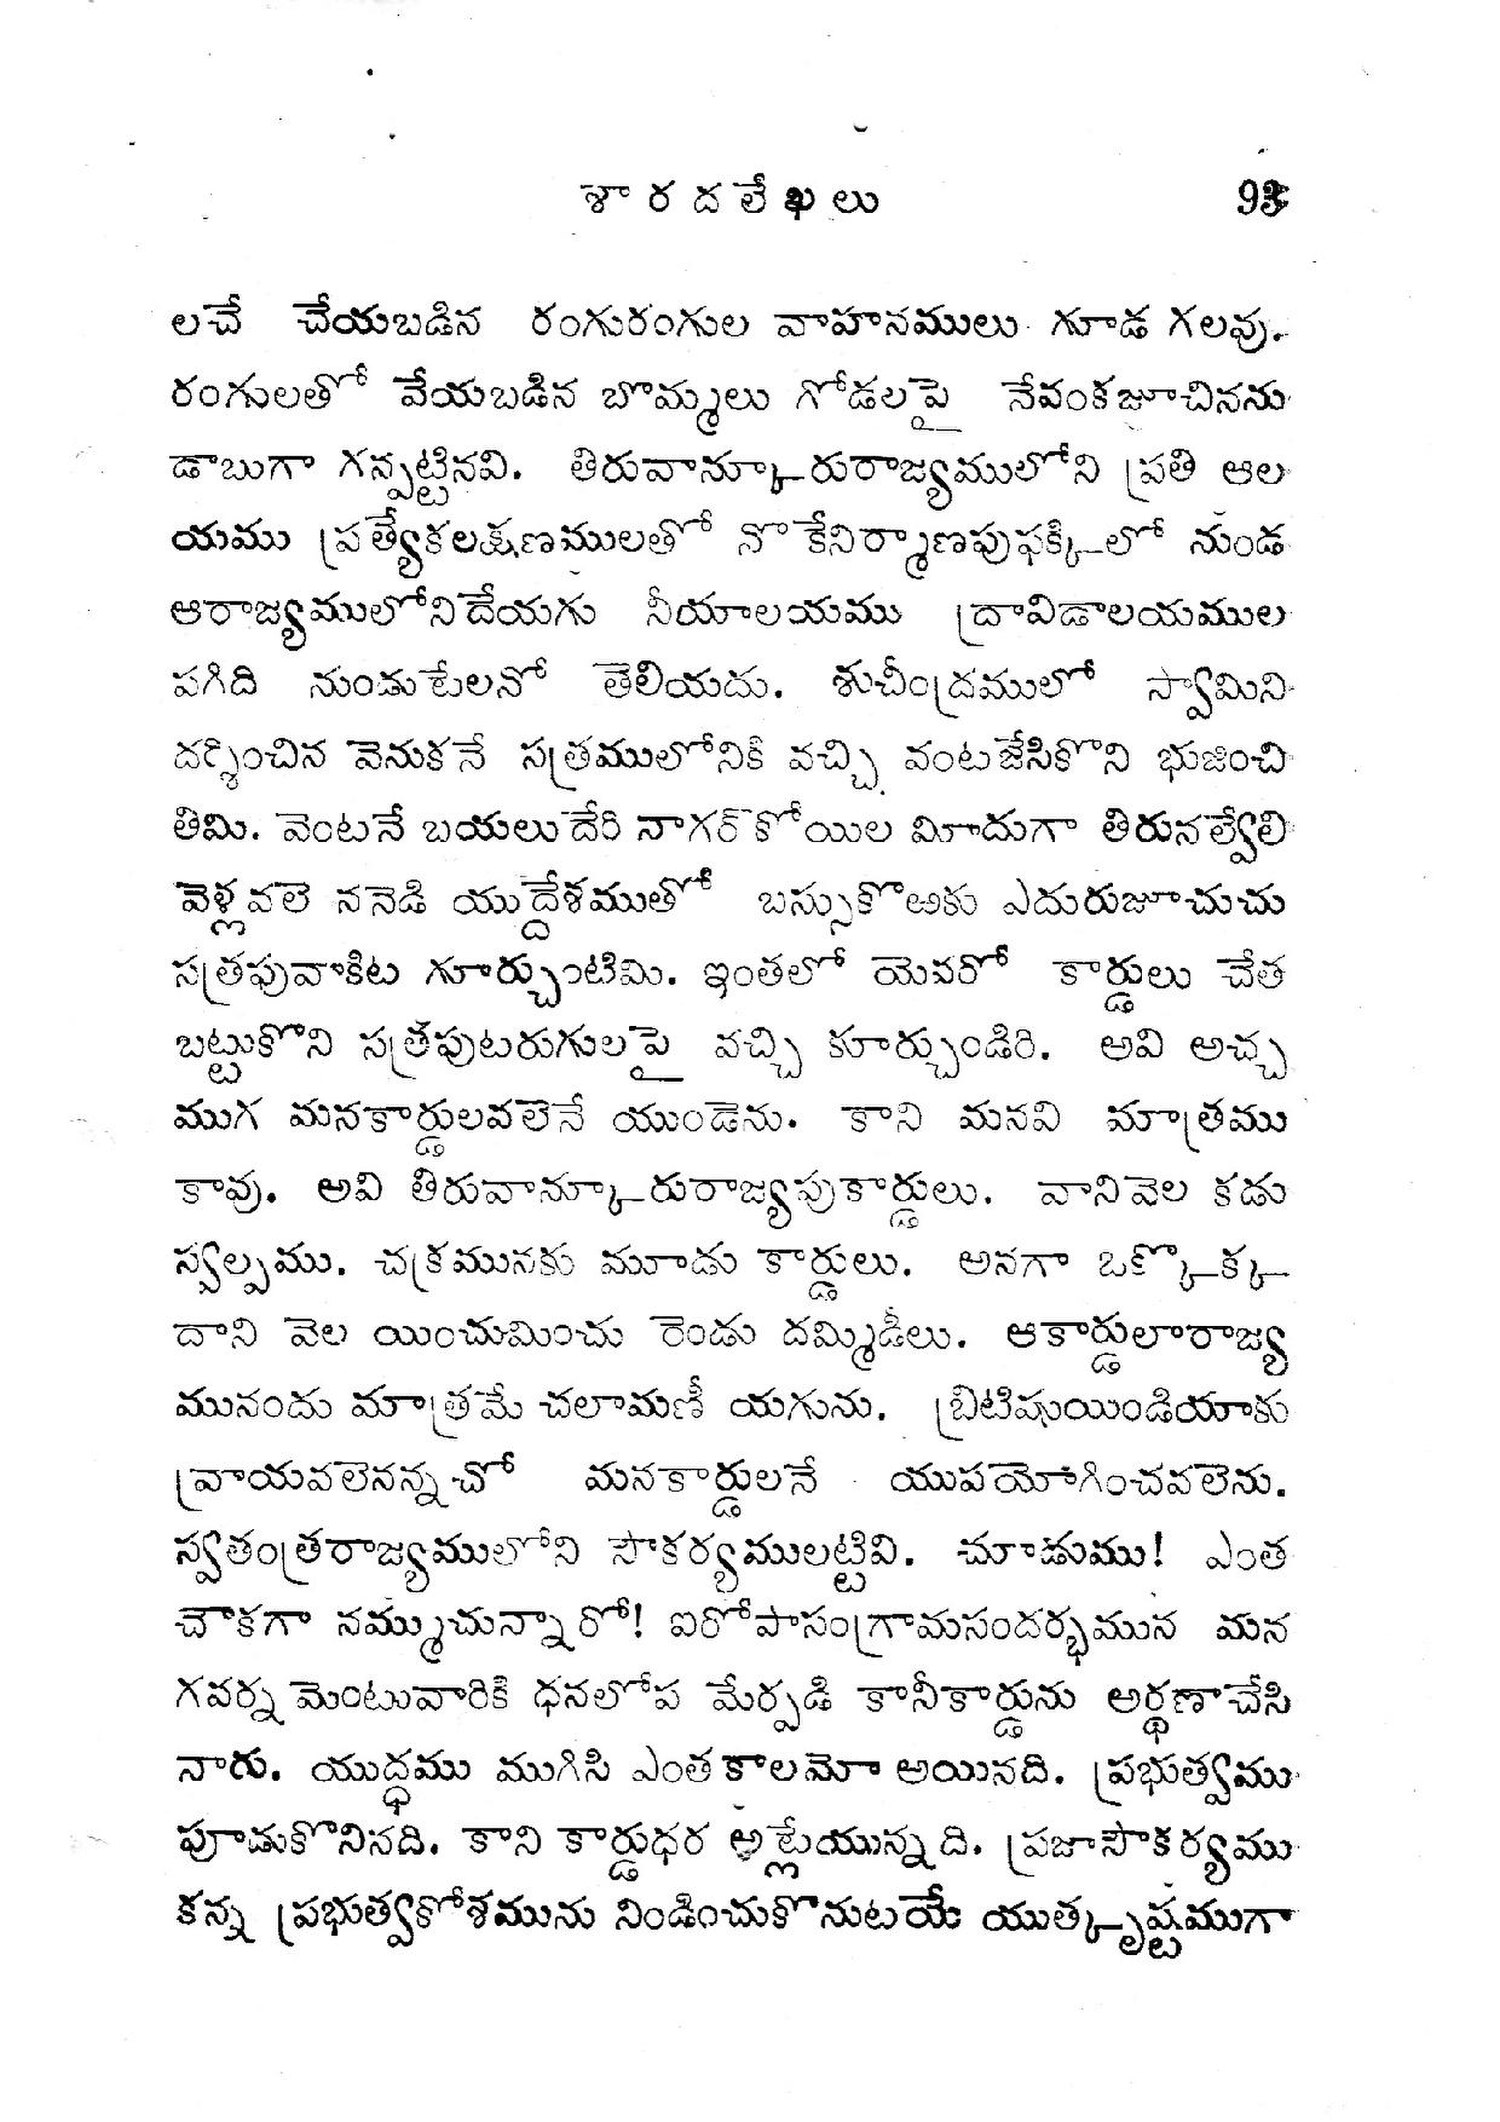లచే చేయబడిన రంగురంగుల వాహనములు గూడ గలవు. రంగులతో వేయబడిన బొమ్మలు గోడలపై నేవంకజూచినను డాబుగా గన్పట్టినవి. తిరువాన్కూరురాజ్యములోని ప్రతి ఆలయము ప్రత్యేకలక్షణములతో నొకేనిర్మాణపుఫక్కిలో నుండ ఆరాజ్యములోనిదేయగు నీయాలయము ద్రావిడాలయముల పగిది నుండుటేలనో తెలియదు. శుచీంద్రములో స్వామిని దర్శించిన వెనుకనే సత్రములోనికి వచ్చి వంటజేసికొని భుజించితిమి. వెంటనే బయలుదేరి నాగర్‌కోయిల మీదుగా తిరునల్వేలి వెళ్లవలె ననెడి యుద్దేశముతో బస్సుకొఱకు ఎదురుజూచుచు సత్రపువాకిట గూర్చుంటిమి. ఇంతలో యెవరో కార్డులు చేతబట్టుకొని సత్రపుటరుగులపై వచ్చి కూర్చుండిరి. అవి అచ్చముగ మనకార్డులవలెనే యుండెను. కాని మనవి మాత్రము కావు. అవి తిరువాన్కూరురాజ్యపుకార్డులు. వానివెల కడు స్వల్పము. చక్రమునకు మూడు కార్డులు. అనగా ఒక్కొక్క
దాని వెల యించుమించు రెండు దమ్మిడీలు. ఆకార్డులారాజ్యమునందు మాత్రమే చలామణీ యగును, బ్రిటిషుయిండియాకు వ్రాయవలెనన్నచో మనకార్డులనే యుపయోగించవలెను. స్వతంత్రరాజ్యములోని సౌకర్యములట్టివి. చూడుము! ఎంత చౌకగా నమ్ముచున్నారో! ఐరోపాసంగ్రామసందర్భమున మన
గవర్నమెంటువారికి ధనలోప మేర్పడి కానీకార్డును అర్థణాచేసినారు. యుద్ధము ముగిసి ఎంతకాలమో అయినది. ప్రభుత్వము పూడుకొనినది. కాని కార్డుధర అట్లేయున్నది. ప్రజాసౌకర్యముకన్న ప్రభుత్వకోశమును నిండించుకొనుటయే యుత్కృష్టముగా